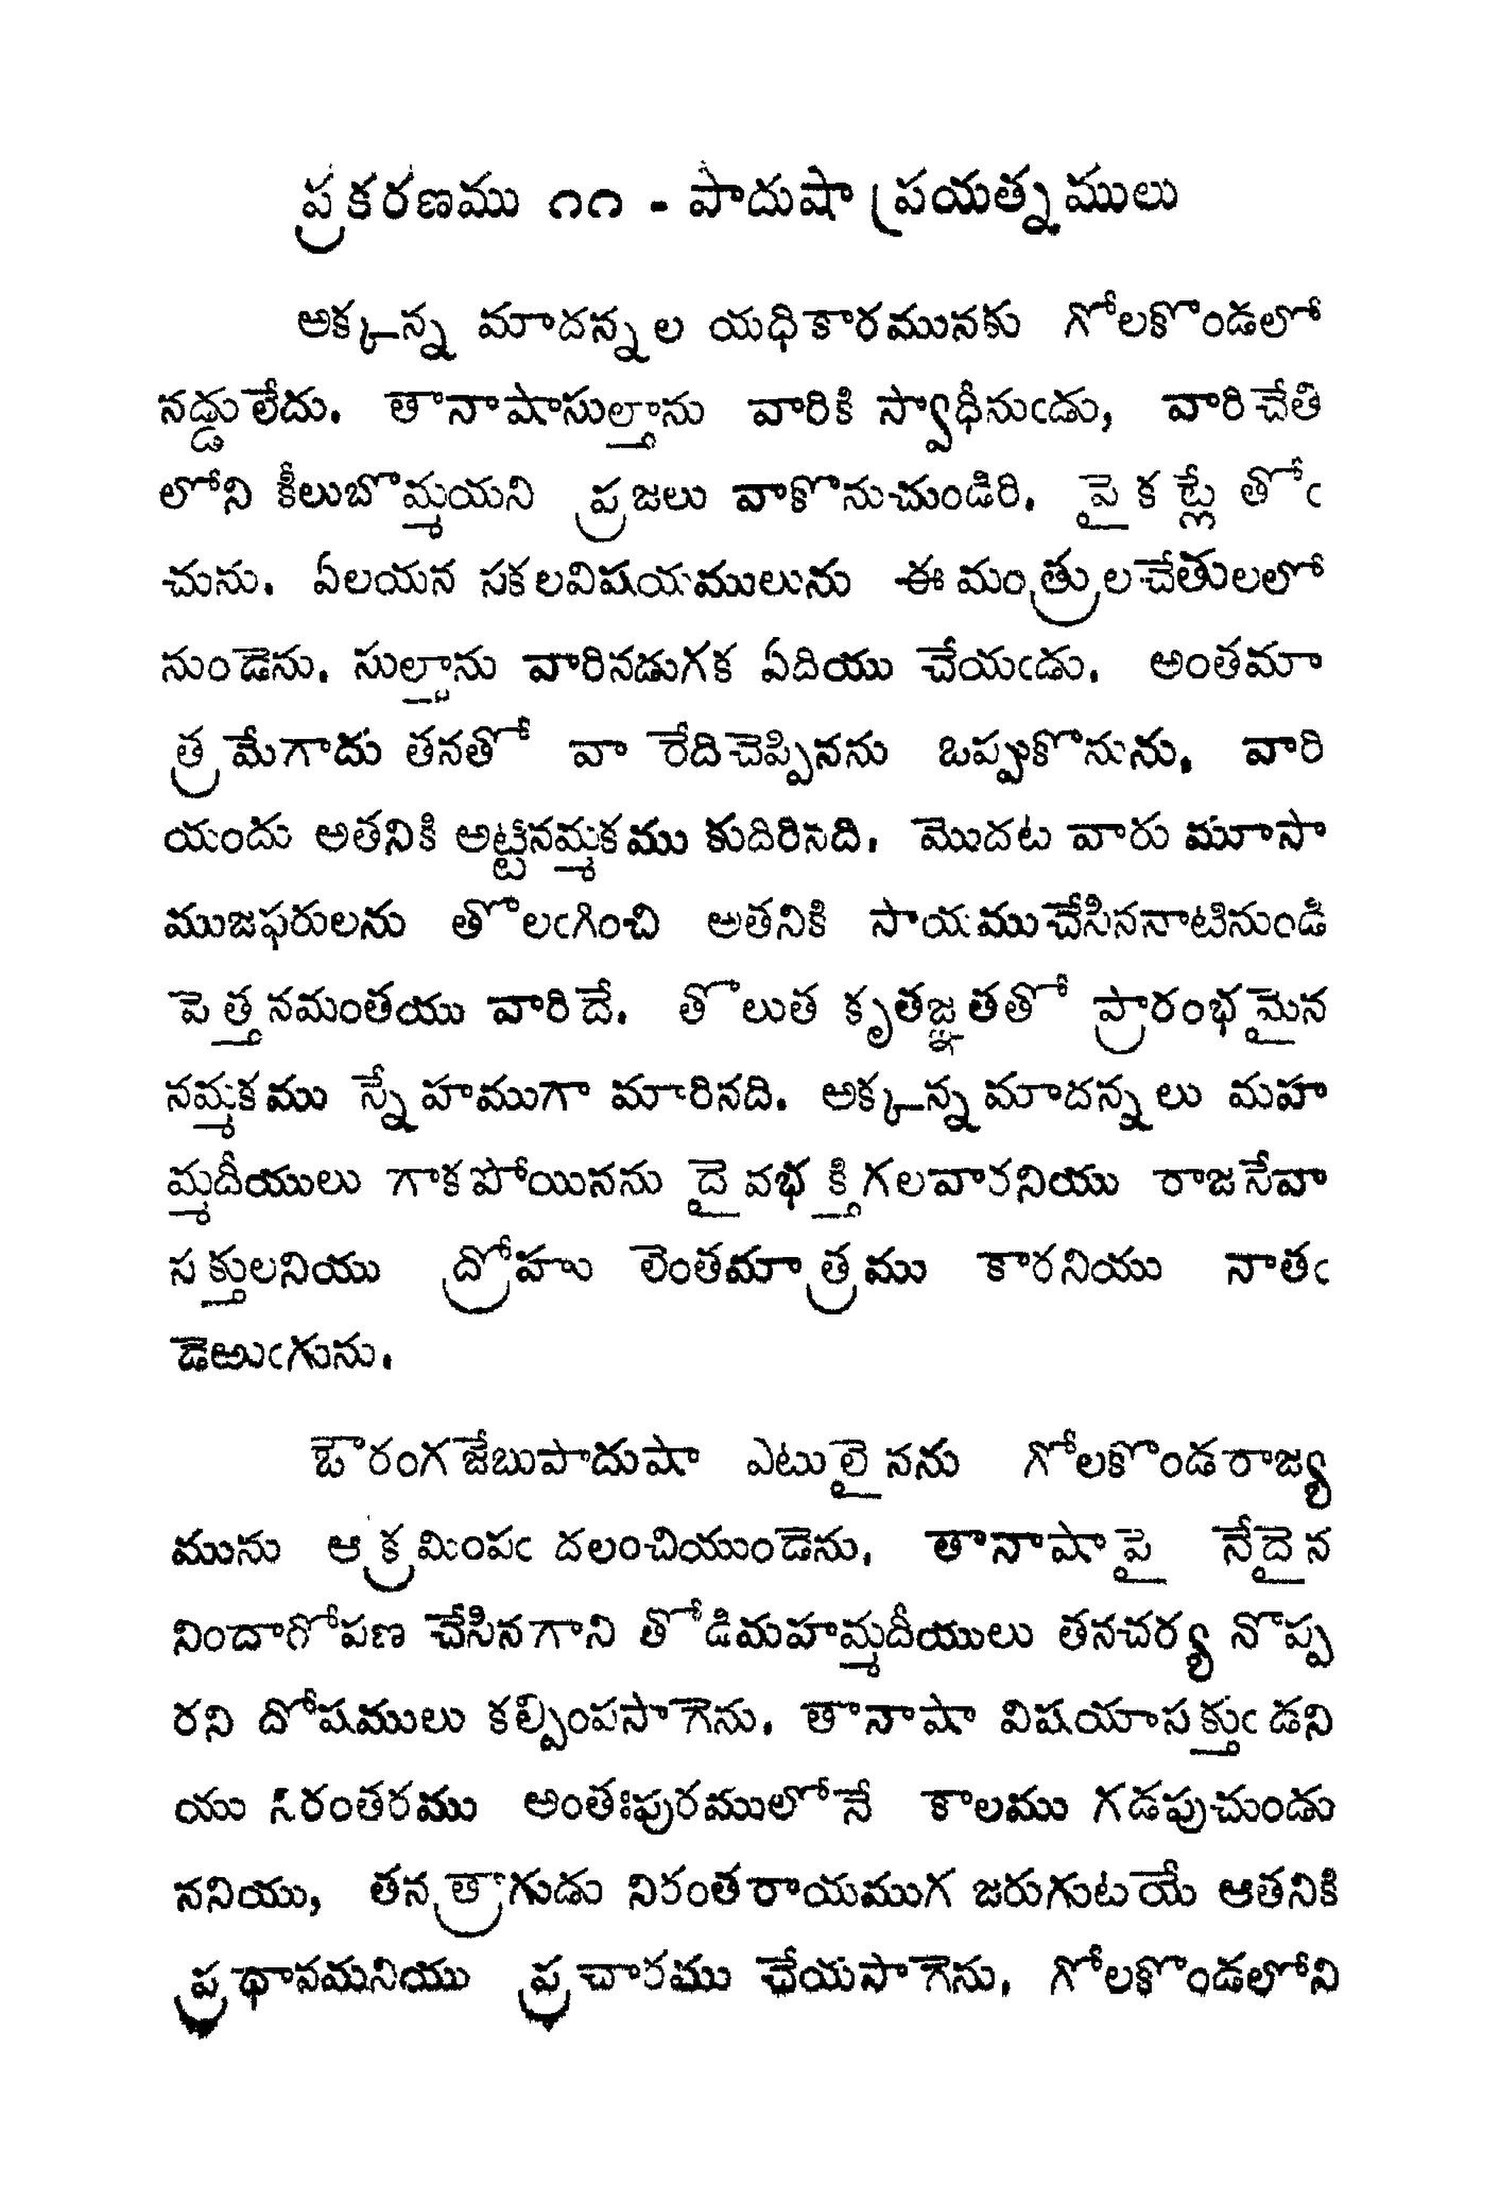ప్రకరణము ౧౧ - పాదుషా ప్రయత్నములు

అక్కన్న మాదన్నల యధికారమునకు గోలకొండలో నడ్డులేదు. తానాషాసుల్తాను వారికి స్వాధీనుఁడు, వారిచేతిలోని కీలుబొమ్మయని ప్రజలు వాకొనుచుండిరి. పైకట్లే తోఁచును. ఏలయన సకలవిషయములును ఈమంత్రులచేతులలో నుండెను. సుల్తాను వారినడుగక ఏదియు చేయఁడు. అంతమాత్రమేగాదు తనతో వా రేదిచెప్పినను ఒప్పుకొనును. వారి యందు అతనికి అట్టినమ్మకము కుదిరినది. మొదట వారు మూసా ముజఫరులను తొలఁగించి అతనికి సాయముచేసిననాటినుండి పెత్తనమంతయు వారిదే. తొలుత కృతజ్ఞతతో ప్రారంభమైన నమ్మకము స్నేహముగా మారినది. అక్కన్నమాదన్నలు మహమ్మదీయులు గాకపోయినను దైవభక్తిగలవారనియు రాజసేవాసక్తులనియు ద్రోహు లెంతమాత్రము కారనియు నాతఁ డెఱుఁగును.

ఔరంగజేబుపాదుషా ఎటులైనను గోలకొండరాజ్యమును ఆక్రమింపఁ దలంచియుండెను. తానాషాపై నేదైన నిందారోపణ చేసినగాని తోడిమహమ్మదీయులు తనచర్య నొప్పరని దోషములు కల్పింపసాగెను. తానాషా విషయాసక్తుఁడనియు నిరంతరము అంతఃపురములోనే కాలము గడపుచుండుననియు, తనత్రాగుడు నిరంతరాయముగ జరుగుటయే ఆతనికి ప్రధానమనియు ప్రచారము చేయసాగెను. గోలకొండలోని